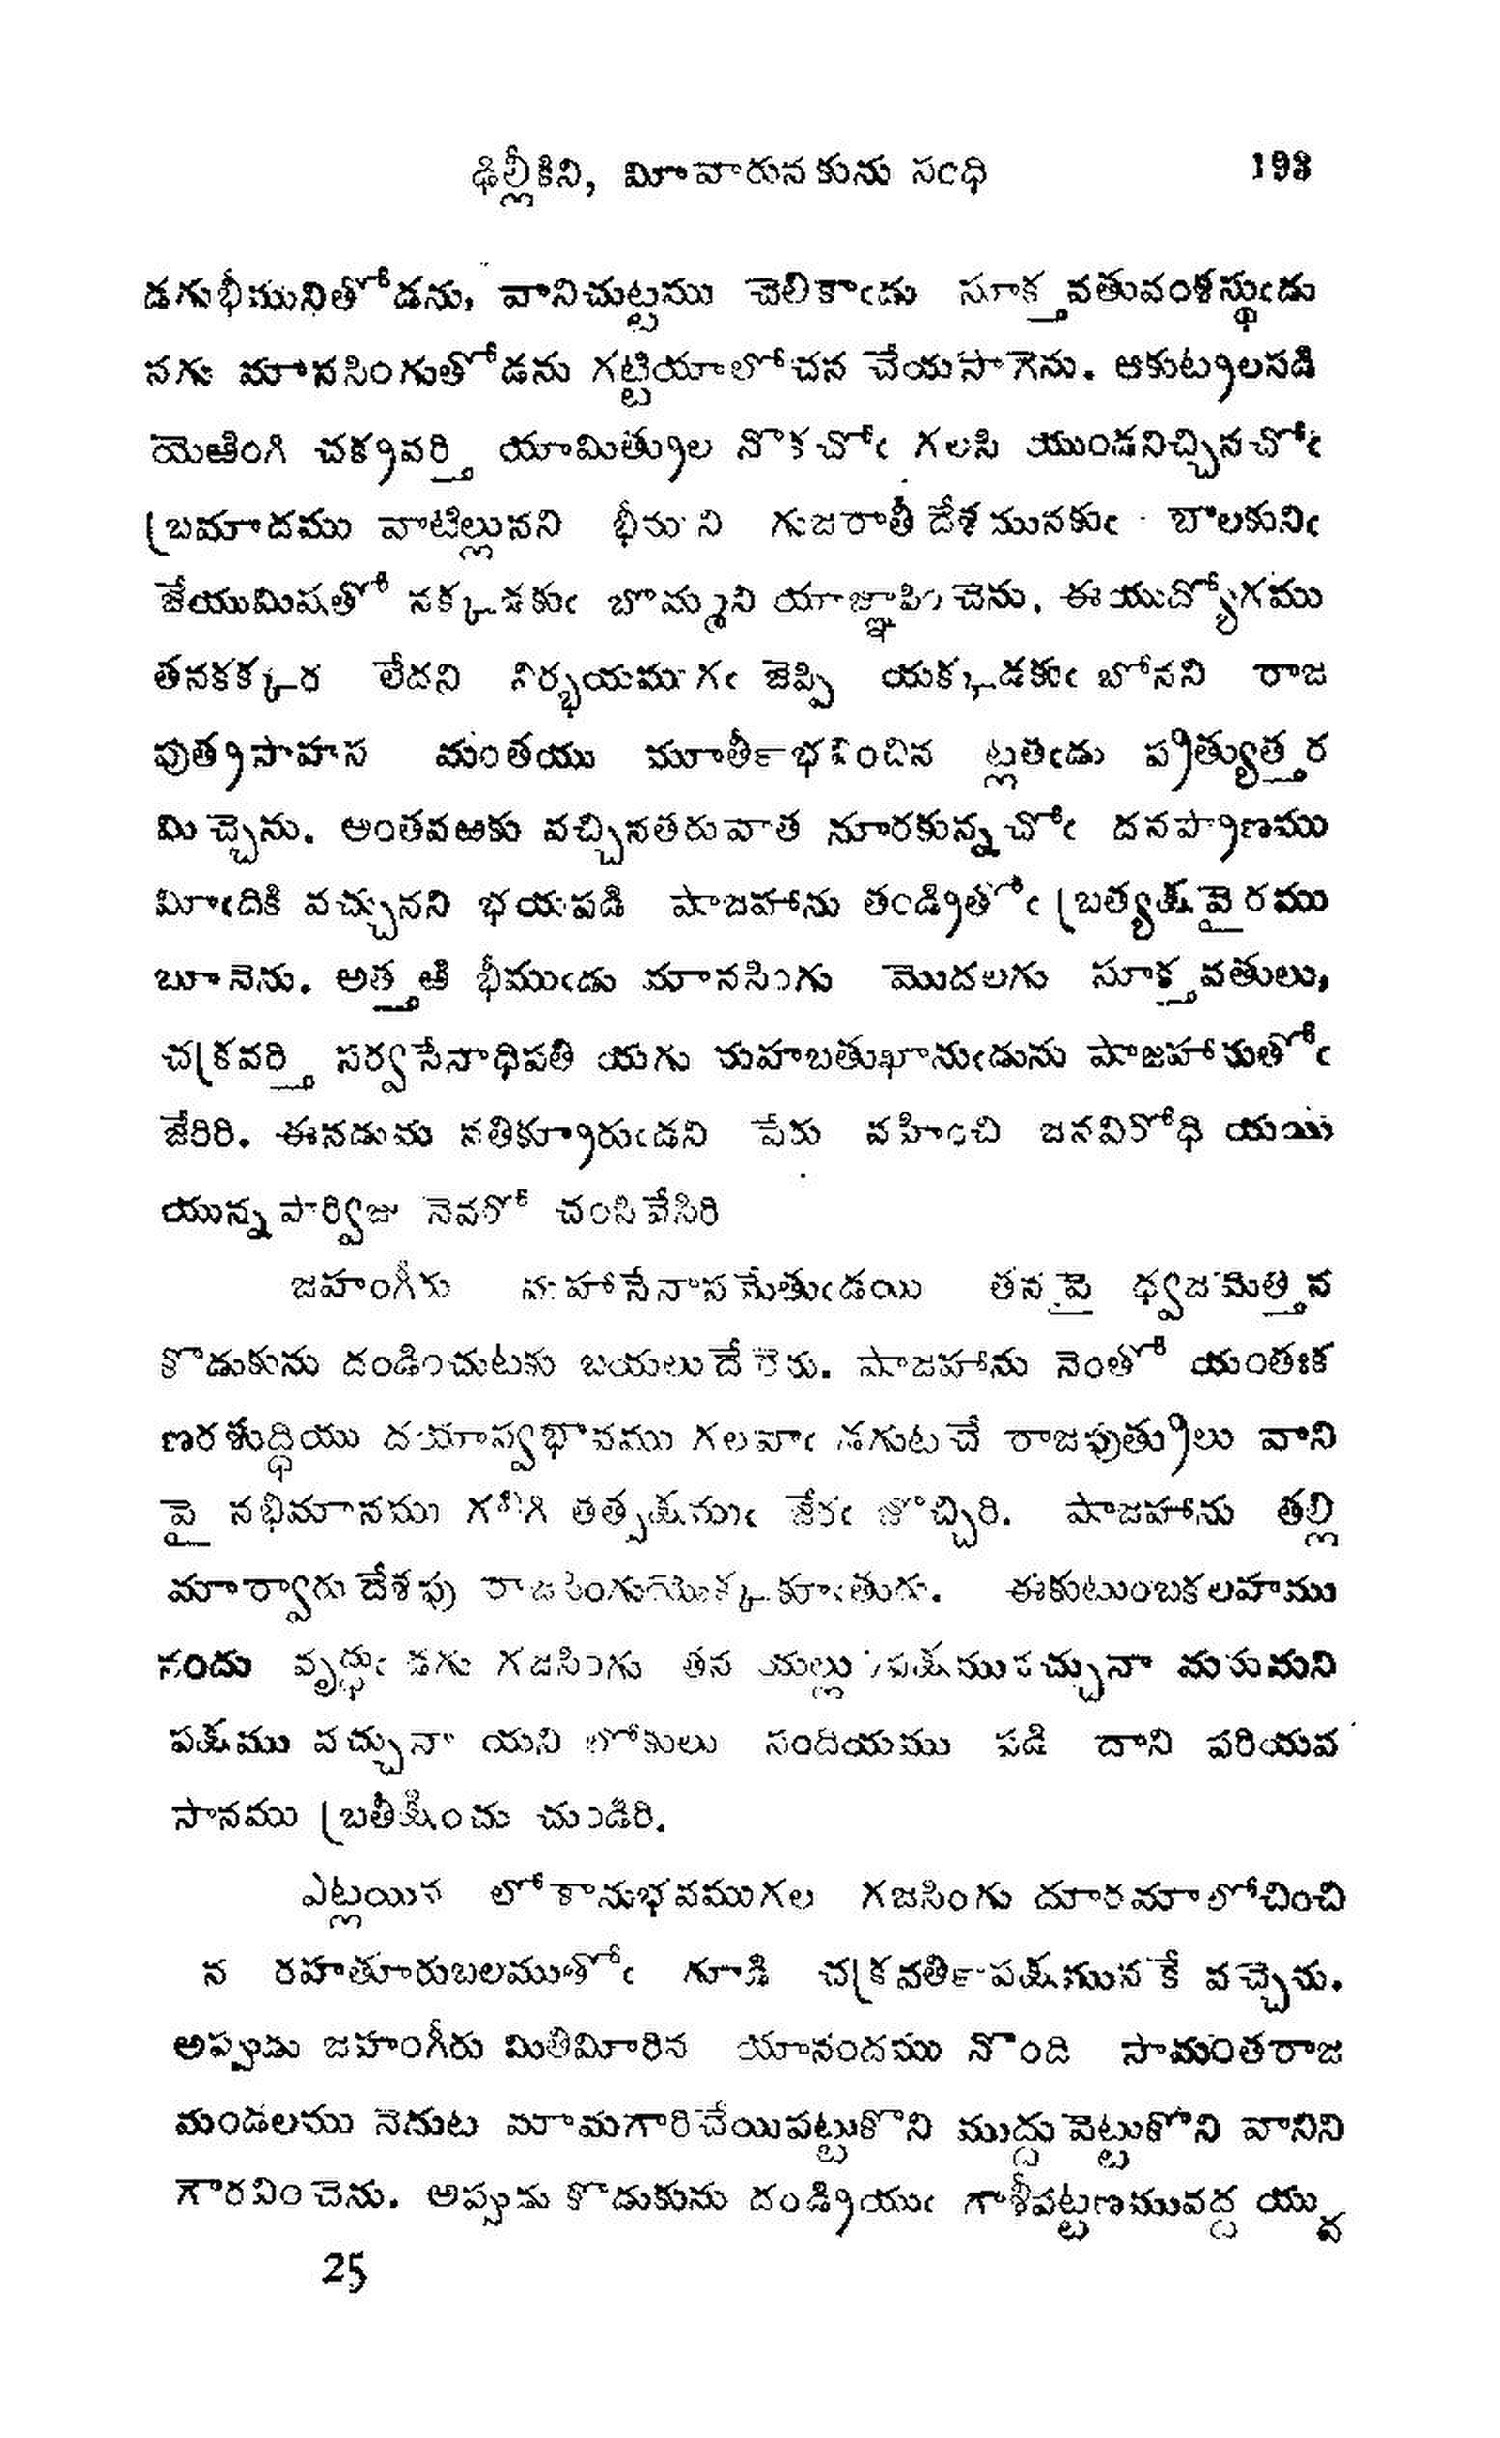డగు భీమునితోడను, వానిచుట్టము చెలికాఁడు సూక్తవతువంశస్థుఁడు నగు మానసింగుతోడను గట్టియాలోచన చేయసాగెను. ఆకుట్రలపడి
యెఱింగి చక్రవర్తి యామిత్రుల నొకచోఁ గలసి యుండనిచ్చినచోఁ బ్రమాదము వాటిల్లునని భీముని గుజరాతీ దేశమునకుఁ బాలకునిఁ
జేయుమిషతో నక్కడకుఁ బొమ్మనీ యజ్ఞాపించెను. ఈ యుద్యోగము తనకక్కర లేదని నిర్భయముగఁ జెప్పి యక్కడకుఁ బోనని రాజపుత్ర సాహస మంతయు మూతీ౯ భవించిన ట్లతఁడు ప్రత్యుత్తర మిచ్చెను. అంతవఱకు వచ్చిన తరువాత నూరకున్నచోఁ దన ప్రాణము
మీఁదికి వచ్చునని భయపడి షాజహాను తండ్రితోఁ బ్రత్యక్ష వైరము బూనెను. అత్తఱి భీముఁడు మానసింగు మొదలగు సూక్త వతులు,
చక్రవర్తి సర్వ సేనాధిపతి యగు మహబతుఖానుఁడును పొజహానుతోఁ జేరిరి. ఈనడుమ నతిక్రూరుఁడని పేరు వహించి జనవిరోధి యయి
యున్న పార్విజు నెవరో చంపి వేసిరి.

జహంగీరు మహాసేనాసమేతుఁడయి తనపై ధ్వజమెత్తిన కొడుకును దండించుటకు బయలు దేరెను. షాజహాను నెంతో యంతఃకణర శుద్ధియు దయాస్వభావము గలవాఁ డగుటచే రాజపుత్రులు వానిపై నభిమానము గలిగి తత్పక్షముఁ జేరఁ జొచ్చిరి. షాజహాను తల్లి మార్వారు దేశపు రాజసింగు యోక్క కూతురు. ఈకుటుంబకలహము నందు వృద్దుఁడగు గజసింగు తన యల్లుని పక్షము వచ్చునా మనుమని పక్షము వచ్చునా యని లోకులు సందియము పడి దాని పరియవసానము బ్రతిక్షించు చుండిరి.

ఎట్లయిన లోకానుభవముగల గజసింగు దూరమాలోచించిన రహతూరుబలముతోఁ గూడి చక్రవతి౯ పక్షమునకే వచ్చెను. అప్పుడు జహంగీరు మితిమీరిన యానందము నొంది సామంత రాజ మండలము నెదుట మామగారి చేయి పట్టుకొని ముద్దు పెట్టుకొని వానిని గౌరవించెను. అప్పుడు కొడుకును దండ్రియు గాశీ పట్టణమువద్ద యువ